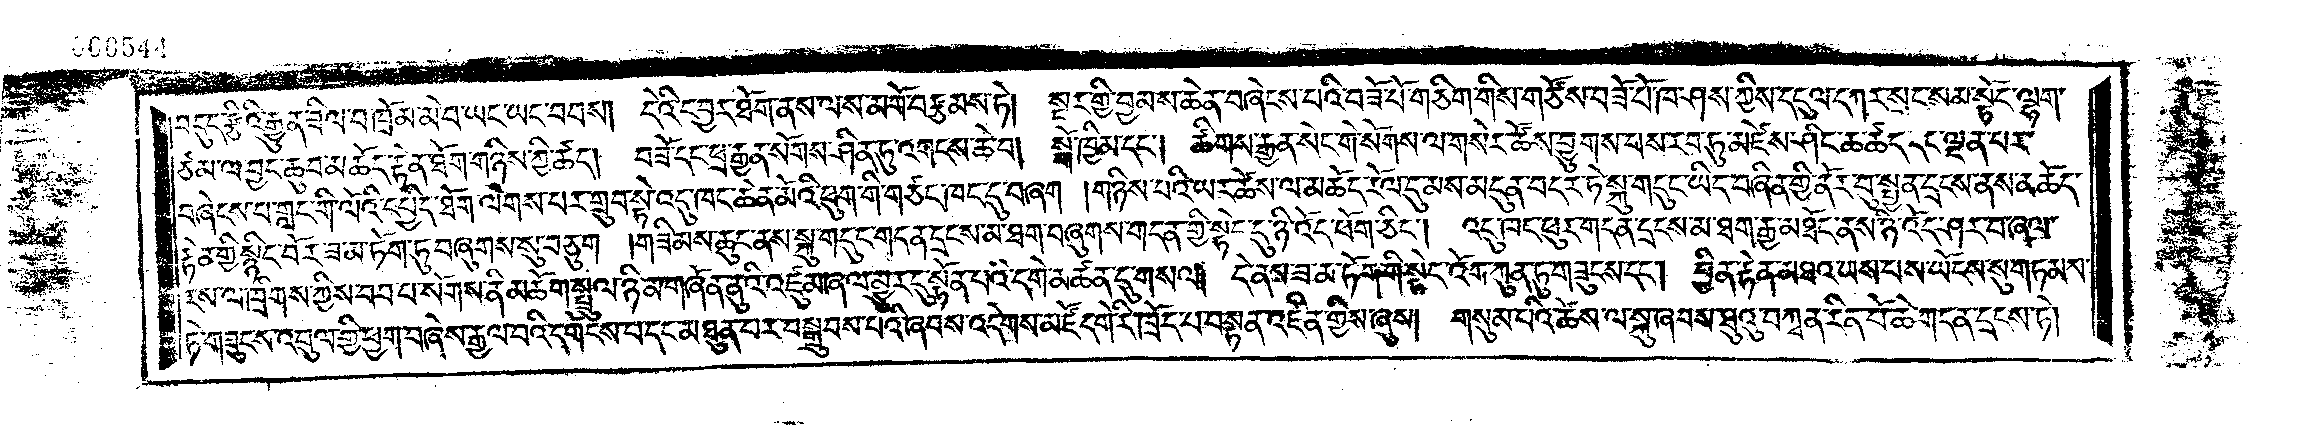བདུད་རྩིའི་རྒྱུན་ཟིལ་བ་ཁྲོམ་མེ་བ་ཡང་ཡང་བབས། དེའི་དབྱར་ཐོག་ནས་ལས་མགོ་བརྩམས་ཏེ། སྔར་གྱི་བྱམས་ཆེན་བཞེངས་པའི་བཟོ་པོ་གཅིག་གིས་གཙོས་བཟོ་པོ་ཁ་ཤས་ཀྱིས་དངུལ་དཀར་སྲང་སུམ་སྟོང་ལྷག་
ཙམ་ལ་བྱང་ཆུབ་མཆོད་རྟེན་ཐོག་གཉིས་ཀྱི་ཚད། བཟོ་དང་ཕྲ་རྒྱན་སོགས་ཤིན་ཏུ་འགངས་ཆེ་བ། སྒོ་ཁྱིམ་དང་། ཚིགས་རྒྱན་སེང་གེ་སོགས་ལ་གསེར་ཚོགས་བྱུགས་པས་རབ་ཏུ་མཛེས་ཤིང་ཆ་ཚད་དང་ལྡན་པར་
བཞེངས་པ་གླང་གི་ལོའི་དཔྱིད་ཐོག་ལེགས་པར་གྲུབ་སྟེ་འདུ་ཁང་ཆེན་མོའི་ཕུག་གི་གཙང་ཁང་དུ་བཞག །གཉིས་པའི་ཡར་ཚེས་ལ་མཆོད་རོལ་དུ་མས་མདུན་བདར་ཏེ་སྐུ་གདུང་ཡིད་བཞིན་གྱི་ནོར་བུ་སྤྱན་དྲངས་ནས་མཆོད་
རྟེན་གྱི་སྙིང་བོར་ཟ་མ་ཏོག་ཏུ་བཞུགས་སུ་བཅུག །གཟིམས་ཆུང་ནས་སྐུ་གདུང་གདན་དྲངས་མ་ཐག་བཞུགས་གདན་གྱི་སྟེང་དུ་ཉི་འོད་ཕོག་ཅིང་། འདུ་ཁང་ཕུར་གདན་དྲངས་མ་ཐག་རྒྱ་མཐོང་ནས་ཉི་འོད་ཤར་བ་ཞལ་
རས་ལ་ཁྲིགས་ཀྱིས་བབས་པ་སོགས་ནི་མཆོག་སྤྲུལ་ཉི་མ་གཞོན་ནུའི་འཛུམ་ཞལ་མྱུར་དུ་སྟོན་པའི་དགེ་མཚན་དུ་གསལ། དེ་ནས་ཟ་མ་ཏོག་གི་སྟེང་འོག་ཀུན་ཏུ་གཟུངས་དང་། བྱིན་རྟེན་མཐའ་ཡས་པས་ཡོངས་སུ་གཏམས་
ཏེ་གཟུངས་འབུལ་གྱི་ཕྱག་བཞེས་རྒྱལ་བའི་དགོངས་པ་དང་མཐུན་པར་བསྒྲུབས་པའི་ཞབས་འདེགས་མཛོད་དགེ་རི་ཁྲོད་པ་བསྟན་འཛིན་གྱིས་ཞུས། གསུམ་པའི་ཚེས་ལ་སྐུ་ཞབས་ཐུའུ་བཀྭན་རིན་པོ་ཆེ་གདན་དྲངས་ཏེ།